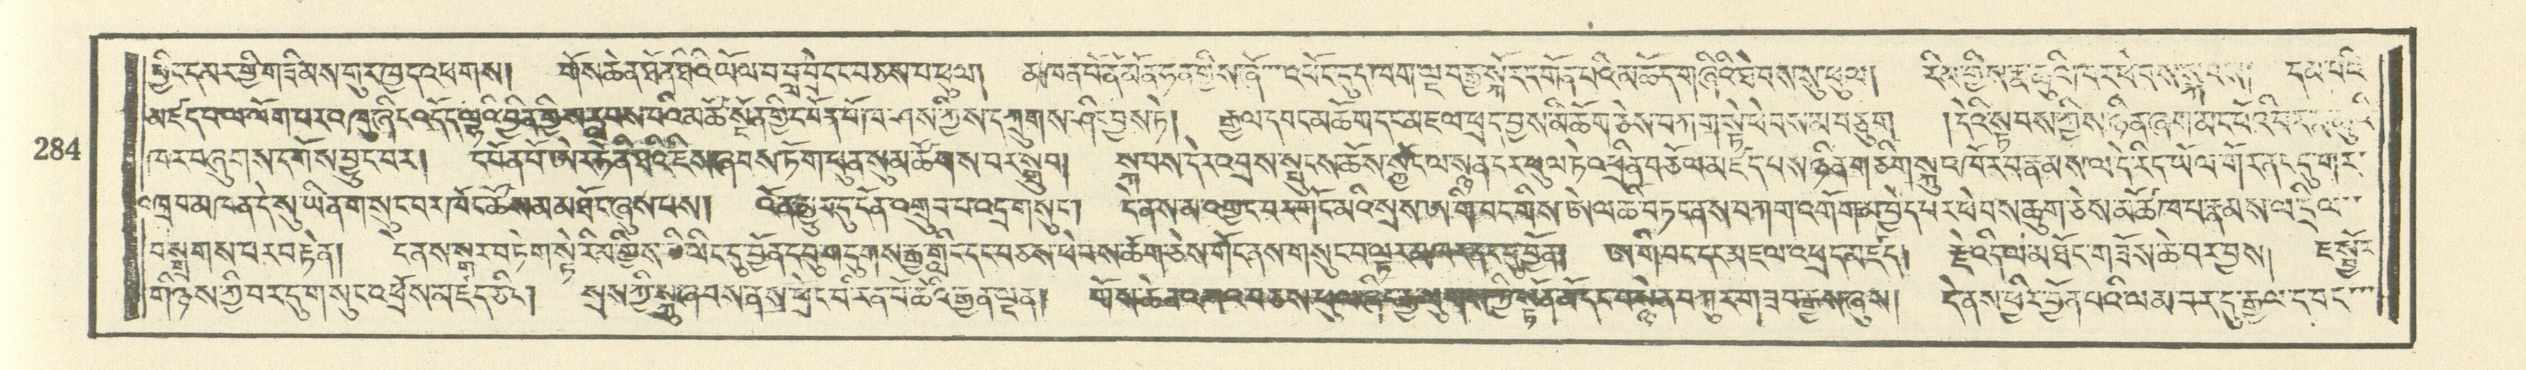ཕྱིང་དམར་གྱི་གཟིམས་གུར་ཁྱད་འཕགས། གོས་ཆེན་ཐོན་ཐིའི་ཡོལ་བ་བླ་བྲེ་དང་བཅས་པ་ཕུལ། མཁན་པོ་ནོ་མོན་ཧན་གྱིས་ཞོས་འཕོང་དུད་ཁག་ལྔ་བརྒྱ་སྐོར་དགོན་པའི་མཆོད་གཞིའི་ཐེབས་སུ་ཕུལ། རིམ་གྱིས་རྨ་ཆུའི་ཁར་ཕེབས་སྐབས། དམ་པའི་
མཛད་པ་ལ་ལོག་པར་འཁུ་ཞིང་འདོད་ལྷའི་བྱིན་གྱིས་རླབས་པའི་མཚོ་སྔོན་གྱི་དཔོན་པོ་ཁ་ཤས་ཀྱིས་དཀྲུགས་ཤིང་བྱས་ཏེ། རྒྱལ་དབང་མཆོག་དང་མཇལ་ཕྲད་བྱས་མི་ཆོག་ཅེས་བཀག་སྟེ་ཕེབས་མ་བཅུག །དེའི་སྟབས་ཀྱིས་ཉིན་ཞག་མང་པོའི་བར་རྨ་ཆུའི་
ཁར་བཞུགས་དགོས་བྱུང་བར། དཔོན་པོ་ཨེར་ཏེ་ནི་ཐའི་ཇིས་ཞབས་ཏོག་ཕུན་སུམ་ཚོགས་བར་སྒྲུབ། སྐབས་དེར་འབྲས་སྤུངས་ཆོས་སྐྱོང་ལ་སྙན་དར་ཕུལ་ཏེ་འཕྲིན་བཅོལ་མཛད་པས་ཉིན་གཅིག་སྐུ་འཁོར་བ་རྣམས་ལ་དེ་རིང་ཡོལ་གོར་ནང་དུ་གར་
འཁྲབ་མཁན་དེ་སུ་ཡིན་གསུང་བར་ཁོང་ཚོས་མ་མཐོང་ཞུས་པས། འོ་ན་མྱུར་དུ་དོན་འགྲུབ་པ་འདྲ་གསུང་། དེ་ནས་མ་འགྱང་བར་གོང་མའི་སྲས་ཨ་གི་བང་གིས་ཨེལ་ཆི་བཏང་ནས་བཀག་འགོག་མ་བྱེད་པར་ཕེབས་ཆུག་ཅེས་མོ་ཚ་ཁ་པ་རྣམས་ལ་དྲིལ་
བ་སྒྲགས་པར་བརྟེན། དེ་ནས་སྒར་བཏེག་སྟེ་རིམ་གྱིས་ཟི?་ལིང་དུ་བྱོན་དབུ་གདུགས་རྒྱ་གླིང་དང་བཅས་ཕེབས་ཆོག་ཅེས་གོང་ནས་གསུང་བ་ལྟར་མཁར་ནང་དུ་བྱོན། ཨ་གི་བང་དང་མཇལ་འཕྲད་མཛད། རྗེ་འདི་ལ་མཐོང་གཟོས་ཆེ་བར་བྱས། ཇ་སྦྱོར་
གཉིས་ཀྱི་བར་དུ་གསུང་འཕྲོས་མཛད་ཅིང་། སྲས་ཀྱི་སྐུ་ཞབས་ནས་ཕྲེང་བ་རིན་པོ་ཆེའི་རྒྱན་ལྡན། གོས་ཆེན་འགའ་བཅས་ཕུལ་ཞིང་རྒྱ་ལུགས་ཀྱི་སྟོན་མོ་དང་བསྙེན་བཀུར་གཟབ་རྒྱས་ཞུས། དེ་ནས་ཕྱིར་བྱོན་པའི་ལམ་བར་དུ་རྒྱལ་དབང་